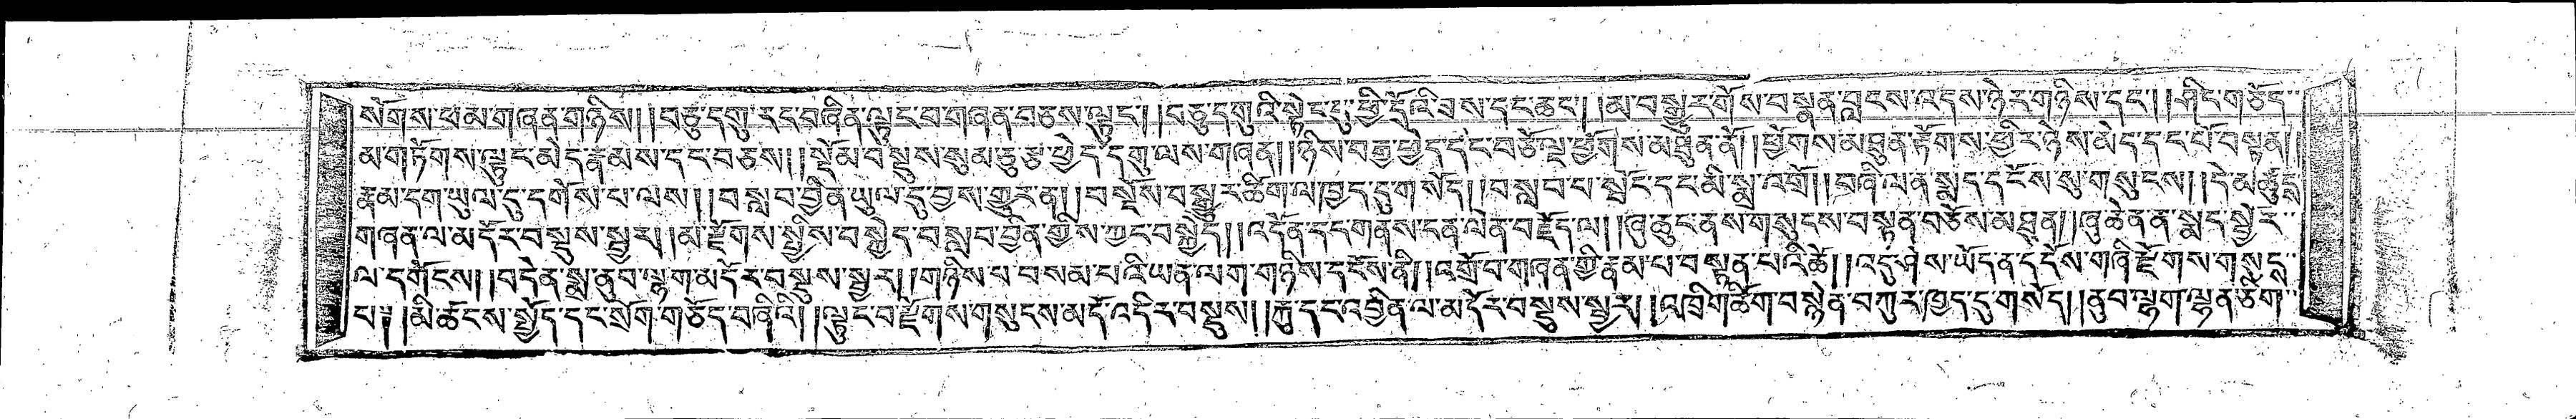སོགས་ཕམ་གཞན་གཉིས། །བཅུ་དགུ་རང་བཞིན་ལྟུང་བ་གཞན་བཅས་ལྟུང་། །བཅུ་དགུའི་སྟེང་དུ་ཕྱི་དྲོའི་ཟས་དང་ཆང་། །མ་བསྒྱུར་གོས་བསྣན་བླངས་འདས་ཉེར་གཉིས་དང་། །ཤིང་གཅོད་
མ་གཏོགས་ལྟུང་མེད་རྣམས་དང་བཅས། །སྡོམ་བསྡུས་སུམ་ཅུ་རྩ་ཕྱེད་དགུ་ལས་གཞན། །ཉིས་བརྒྱ་ཕྱེད་དང་བཅོ་ལྔ་ཕྱོགས་མཐུན་ནོ། །ཕྱོགས་མཐུན་རྟོགས་ཕྱིར་ཉེས་མེད་དང་པོ་བསྟན། །
རྣམ་དག་ཡུལ་དུ་དགོས་པ་ལས། །བསླབ་བྱིན་ཡུལ་དུ་བྱས་གྱུར་ན། །བསྔོས་བསྒྱུར་ཚིག་ལ་ཁྱད་དུ་གསོད། །བསླབ་པ་སྦོང་དང་མི་སྨྲ་འགྲོ། །བཞི་ལ་ན་སྨད་དངོས་སུ་གསུངས། །དེ་མཚུངས་
གཞན་ལ་མདོར་བསྡུས་སྦྱར། །མ་རྫོགས་སྤྱིས་བསྐྱེད་བསླབ་བྱིན་གྱིས་ཀྱང་བསྐྱེད། །འདོན་དང་གནས་ངན་ལེན་བརྗོད་ལ། །ཞུ་ཆུང་ནས་གསུངས་བསྟན་བཅོས་མཐུན། །ཞུ་ཆེན་ན་སྨད་སྦྱོར་
ལ་དགོངས། །བདེན་སྨྲ་ནུབ་ལྷག་མདོར་བསྡུས་སྦྱར། །གཉིས་པ་བསམ་པའི་ཡན་ལག་གཉིས་དངོས་ནི། །འགྲོ་བ་གཞན་གྱི་རྣམ་པ་བསྟན་པའི་ཚེ། །འདུ་ཤེས་ཡོད་ན་དངོས་གཞི་རྫོགས་གསུངས་
པ༑ །མི་ཚངས་སྤྱོད་དང་སྲོག་གཅོད་བཞིའི། །ལྟུང་བ་རྫོགས་གསུངས་མདོ་འདིར་བསྡུས། །རྐུ་དང་འབྱིན་ལ་མདོར་བསྡུས་སྦྱར། །འཁྲིག་ཚིག་བསྙེན་བཀུར་ཁྱད་དུ་གསོད། །ནུབ་ལྷག་ལྷན་ཅིག་